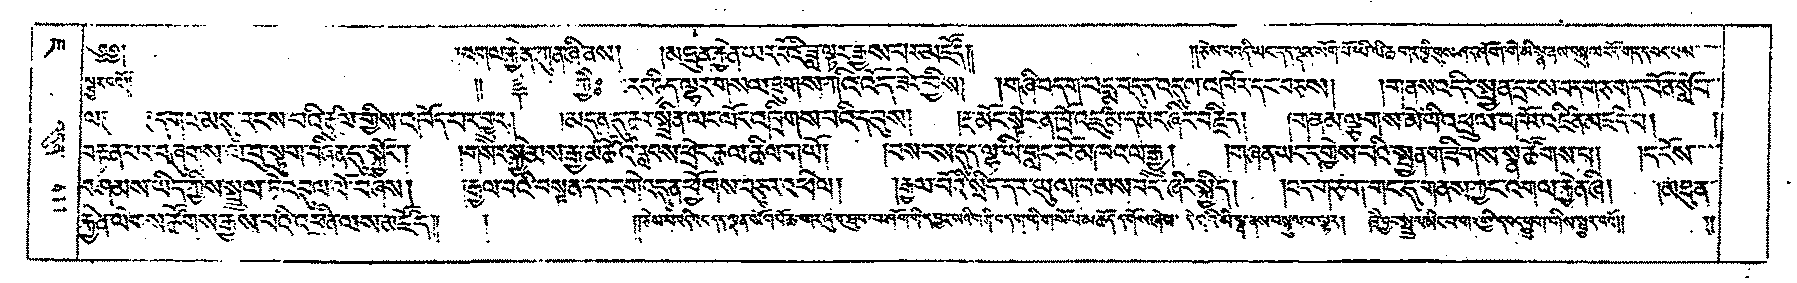༄༅། །འགལ་རྐྱེན་ཀུན་ཞི་ནས། །མཐུན་རྐྱེན་ཡར་ངོའི་ཟླ་ལྟར་རྒྱས་པར་མཛོད།། །།ཅེས་པ་འདི་ཡང་དད་ལྡན་སོག་པོ་ཡི་ལི་ཆ་གར་གྱི་གུས་ཤར་ཤོག་གི་མི་སྣ་ནས་བསྐུལ་ངོར་གར་དབང་པས་
སྦྱར་བའོ།། །། ༈ ཀྱཻཿ རང་ཉིད་ལྷར་གསལ་ཐུགས་ཀའི་འོད་ཟེར་གྱིས། །གཞི་བདག་པདམ་བདུད་འདུལ་འཁོར་དང་བཅས། །གནས་འདིར་སྤྱན་དྲངས་བདག་ཅག་དཔོན་སློབ་
ལ། །དགའ་མགུ་རངས་པའི་ཚུལ་གྱིས་འཁོད་པར་གྱུར། །མདུན་དུ་ཆར་སྤྲིན་ལང་ལོང་འཁྲིགས་པའི་དབུས། །རྔ་མོང་སྟེང་ན་ཁྲོ་འཛུམ་དམར་ཞིང་བརྗིད། །གནམ་ལྕགས་མེ་ཡི་འཕྲུལ་འཁོར་འཛིན་མཛད་པ། །
བརྟན་པར་བཞུགས་ལ་བུ་སྟུག་བཞིན་དུ་སྐྱོང་། །གསེར་སྐྱེམས་རྒྱ་མཚོའི་རླབས་ཕྲེང་ཆལ་ཆིལ་གཡོ། །བསངས་དུད་ལྷ་ཡི་གླང་པོ་མཁའ་ལ་རྒྱུ། །གཞན་ཡང་དགྱེས་པའི་སྤྱན་གཟིགས་སྣ་ཚོགས་པ། །དངོས་
བཤམས་ཡིད་ཀྱིས་སྤྲུལ་ཏེ་འབུལ་ལོ་བཞེས། །རྒྱལ་བའི་བསྟན་དང་དགེ་འདུན་ཕྱོགས་བཅུར་འཕེལ། །རྒྱལ་པོའི་སྲིད་དར་ཡུལ་ཁམས་བདེ་ཞིང་སྐྱིད། །བདག་ཅག་གང་དུ་གནས་ཀྱང་འགལ་རྐྱེན་ཞི། །མཐུན་
རྐྱེན་ལེགས་ཚོགས་རྒྱས་པའི་འཕྲིན་ལས་མཛོད།། ། །། ཅེས་པ་འདིའང་དད་ལྡན་སོག་པོ་ཆ་གར་ཞུ་བ་ཐུབ་ལ་ཤོག་གི་དབྱར་སའི་གཞི་བདག་གི་གསོལ་མཆོད་དགོས་ཞེས་དེ་གའི་མི་སྣ་ནས་བསྐུལ་བ་ལྟར། ཁྲི་བྱང་སྤྲུལ་མིང་པ་གར་གྱི་དབང་ཕྱུག་གིས་སྦྱར་བའོ།།  །།